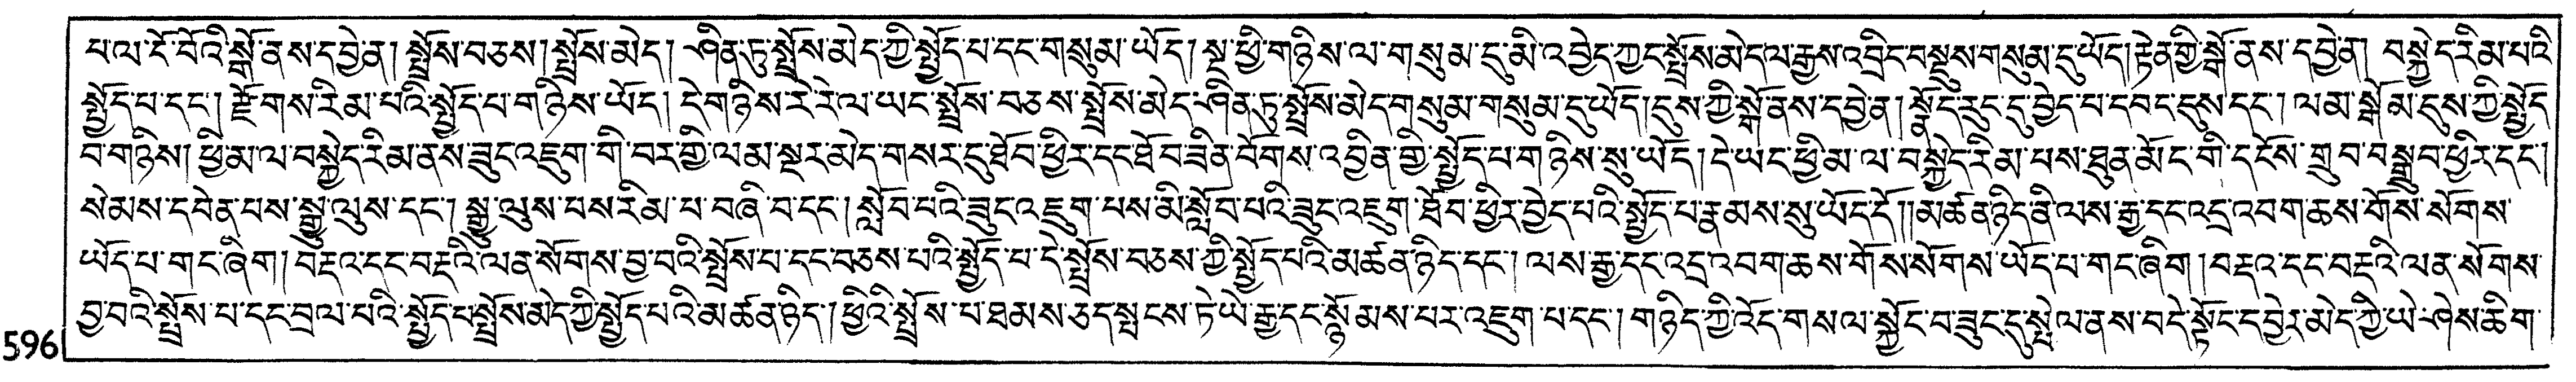པ་ལ་ངོ་བོའི་སྒོ་ནས་དབྱེ་ན། སྤྲོས་བཅས། སྤྲོས་མེད། ཤིན་ཏུ་སྤྲོས་མེད་ཀྱི་སྤྱོད་པ་དང་གསུམ་ཡོད། སྔ་ཕྱི་གཉིས་ལ་གསུམ་དུ་མི་འབྱེད་ཀྱང་སྤྲོས་མེད་ལ་རྒྱས་འབྲིང་བསྡུས་གསུམ་དུ་ཡོད། རྟེན་གྱི་སྒོ་ནས་དབྱེ་ན། བསྐྱེད་རིམ་པའི་
སྤྱོད་པ་དང་། རྫོགས་རིམ་པའི་སྤྱོད་པ་གཉིས་ཡོད། དེ་གཉིས་རེ་རེ་ལ་ཡང་སྤྲོས་བཅས་སྤྲོས་མེད་ཤིན་ཏུ་སྤྲོས་མེད་གསུམ་གསུམ་དུ་ཡོད། དུས་ཀྱི་སྒོ་ནས་དབྱེ་ན། སྣོད་རུང་དུ་བྱེད་པ་དབང་དུས་དང་། ལམ་སྒོམ་དུས་ཀྱི་སྤྱོད་
བ་གཉིས། ཕྱི་མ་ལ་བསྐྱེད་རིམ་ནས་ཟུང་འཇུག་གི་བར་གྱི་ལམ་སྔར་མེད་གསར་དུ་ཐོབ་ཕྱིར་དང་ཐོབ་ཟིན་བོགས་འབྱིན་གྱི་སྤྱོད་པ་གཉིས་སུ་ཡོད། དེ་ཡང་ཕྱི་མ་ལ་བསྐྱེད་རིམ་པས་ཐུན་མོང་གི་དངོས་གྲུབ་བསྒྲུབ་ཕྱིར་དང་།
སེམས་དབེན་པས་སྒྱུ་ལུས་དང་། སྒྱུ་ལུས་པས་རིམ་པ་བཞི་བ་དང་། སློབ་པའི་ཟུང་འཇུག་པས་མི་སློབ་པའི་ཟུང་འཇུག་ཐོབ་ཕྱིར་བྱེད་པའི་སྤྱོད་པ་རྣམས་སུ་ཡོད་དོ། །མཚན་ཉིད་ནི་ལས་རྒྱ་དང་འདྲ་འབག་ཆས་གོས་སོགས་
ཡོད་པ་གང་ཞིག །བརྡའ་དང་བརྡའི་ལན་སོགས་བྱ་བའི་སྤྲོས་པ་དང་བཅས་པའི་སྤྱོད་པ་དེ་སྤྲོས་བཅས་ཀྱི་སྤྱོད་པའི་མཚན་ཉིད་དང་། ལས་རྒྱ་དང་འདྲ་འབག་ཆས་གོས་སོགས་ཡོད་པ་གང་ཞིག །བརྡའ་དང་བརྡའི་ལན་སོགས་
བྱ་བའི་སྤྲོས་པ་དང་བྲལ་བའི་སྤྱོད་པ་སྤྲོས་མེད་ཀྱི་སྤྱོད་པའི་མཚན་ཉིད། ཕྱིའི་སྤྲོས་པ་ཐམས་ཅད་སྤངས་ཏེ་ཡེ་རྒྱ་དང་སྙོམས་པར་འཇུག་པ་དང་། གཉིད་ཀྱི་འོད་གསལ་སྐྱོང་བ་ཟུང་དུ་སྤེལ་ནས་བདེ་སྟོང་དབྱེར་མེད་ཀྱི་ཡེ་ཤེས་ཚིག་